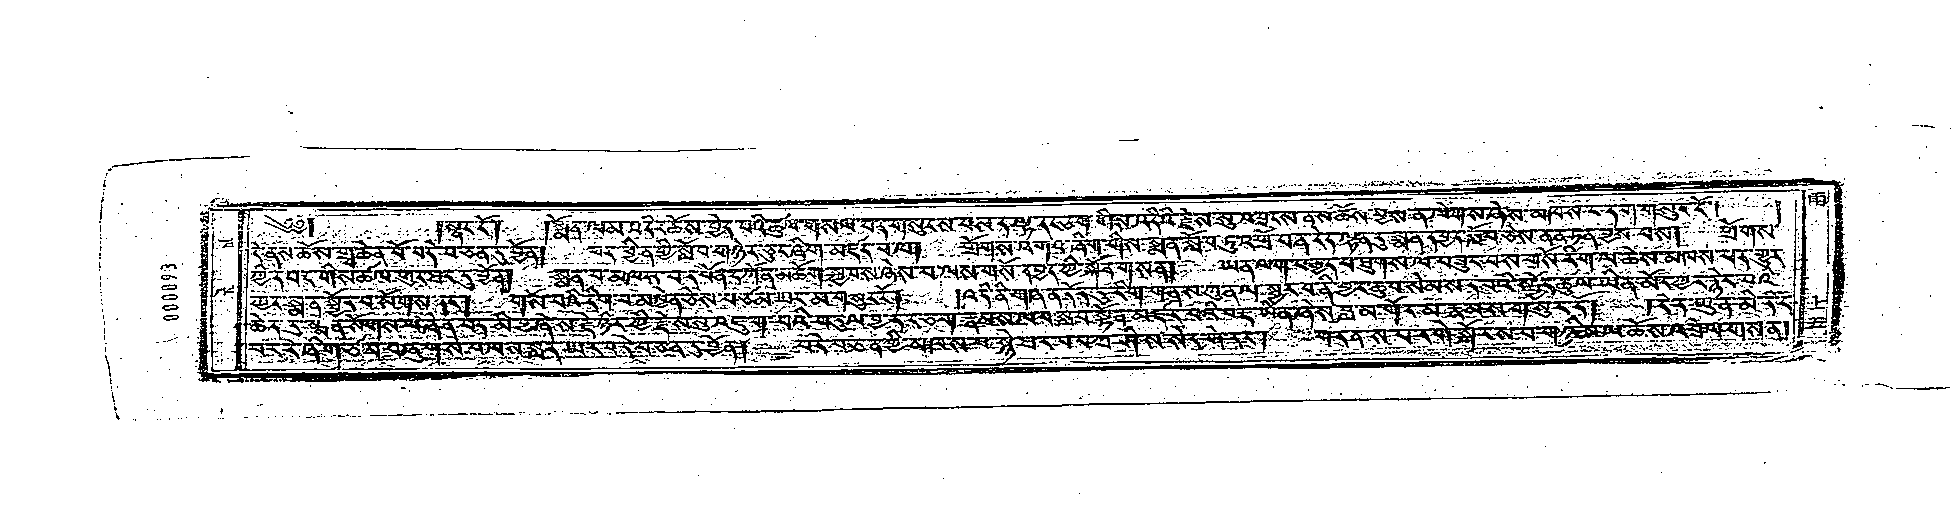༄༅། །སྣང་ངོ། །སྨོན་ལམ་འདིར་ཆོས་བྱེད་པའི་ཚུལ་གསལ་བར་གསུངས་བས་ད་ལྟ་དང་ཅག་གིས་འདིའི་རྗེས་སུ་འབྲངས་ནས་ཆོས་བྱས་ན་ལེགས་ཞེས་མཁས་པ་དག་གསུང་ངོ། །
དེ་ནས་ཆོས་གྲྭ་ཆེན་པོ་བདེ་བ་ཅན་དུ་བྱོན། ཕར་ཕྱིན་གྱི་སློབ་གཉེར་ཅུང་ཞིག་མཛད་པ་ལ། གྲོགས་འགའ་ཞིག་གིས་སྨན་སློབ་ཏུ་འགྲོ་པ་ན་དེར་ལྟན་དུ་སྨན་དཔྱད་སློབ་ཅེས་ནན་ཏན་བྱས་པས། གྲོགས་
ཀྱི་དཔང་གིས་ཚལ་གུར་ཐང་དུ་བྱོན། སྨན་བ་མཁས་པ་དཔོན་དཀོན་མཆོག་སྐྱབས་ཞེས་པ་ལས་གསོ་དཔྱད་ཀྱི་སྐོར་གསན། ཡན་ལག་བརྒྱད་པ་ཐུགས་ལ་བཟུང་བས་གསེ་རིག་ལ་ཆེས་མཁས་པར་གྱུར་
ཀྱང་སྨན་སྦྱོར་པ་སོགས་དང་། གསོ་བའི་རིག་པ་མཁྱེན་ཅེས་པ་ཙམ་ཡང་མ་གསུང་ངོ། །འདི་ནི་གཞན་དོན་རུ་རིག་གནས་ཀུན་ལ་སྦྱང་བ་ནི་བྱང་ཆུབ་སེམས་དཔའི་སྤྱོད་ཚུལ་ཡིན་མོད་ཀྱང་རྙེད་པའི་
ཆེད་དུ་སྨན་སོགས་ལ་ཞེན་པར་མི་བྱ་ཞེ་ས་རྗེ་ཉིད་ཀྱི་རྗེས་སུ་འཇུག་པའི་གདུལ་བྱ་རང་ཅག་རྣམས་ལ་བསླབ་སྟོན་མཛད་པའི་བརྡ་ཡིན་ཞེས་བླ་མ་གོང་མ་རྣམས་གསུང་ངོ། །དེར་ཡུན་མི་རིང་
བར་རེ་ཞིག་ཙམ་བཞུགས་བ་ལས་སླར་ཡང་བདེ་བ་ཅན་དུ་བྱོན། བདེ་བ་ཅན་གྱི་མཁས་བ་སྙེ་ཐར་པ་བཀྲ་ཤིས་སེར་གེ་དང་། གདན་ས་བ་དགེ་སྐོངས་བ་གཉིས་ལ་ཆོས་འབྲེལ་གསན།